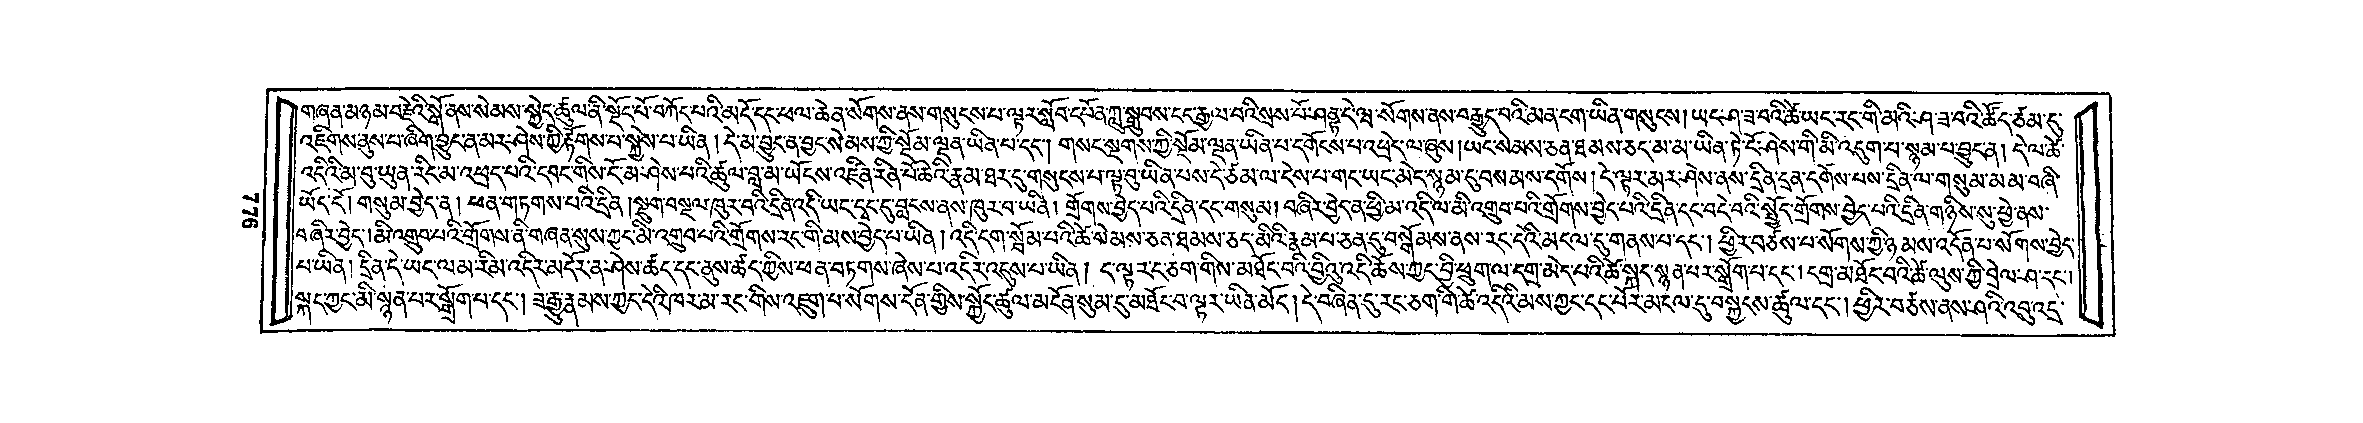གཞན་མཉམ་བརྗེའི་སྒོ་ནས་སེམས་སྐྱེད་ཚུལ་ནི་སྡོང་པོ་བཀོད་པའི་མདོ་དང་ཕལ་ཆེན་སོགས་ནས་གསུངས་པ་ལྟར་སློབ་དཔོན་ཀླུ་སྒྲུབས་དང་རྒྱལ་བའི་སྲས་པོ་ཤནྟ་དེ་ཝ་སོགས་ནས་བརྒྱུད་པའི་མན་ངག་ཡིན་གསུངས། ཡང་ཤ་ཟ་བའི་ཚེ་ཡང་རང་གི་མའི་ཤ་ཟ་བའི་ཚོད་ཙམ་དུ་
འཇིགས་ནུས་པ་ཞིག་བྱུང་ན་མར་ཤེས་ཀྱི་རྟོགས་པ་སྐྱེས་པ་ཡིན། དེ་མ་བྱུང་ན་བྱང་སེམས་ཀྱི་སྡོམ་ལྡན་ཡིན་པ་དང་། གསང་སྔགས་ཀྱི་སྡོམ་ལྡན་ཡིན་པ་དགོངས་པ་འཕྲེད་ལ་ཞུས། ཡང་སེམས་ཅན་ཐམས་ཅད་མ་མ་ཡིན་ཏེ་ངོ་ཤེས་གི་མི་འདུག་པ་སྙམ་པ་བྱུང་ན། དེ་ལ་ཚེ་
འདིའི་མ་བུ་ཡུན་རིང་མ་འཕྲད་པའི་དབང་གིས་ངོ་མ་ཤེས་པའི་ཚུལ་བླ་མ་ཡོངས་འཛིན་རིན་པོ་ཆེའི་རྣམ་ཐར་དུ་གསུངས་པ་ལྟ་བུ་ཡིན་པས་དེ་ཙམ་ལ་ངེས་པ་གང་ཡང་མེད་སྙམ་དུ་བསམས་དགོས། དེ་ལྟར་མར་ཤེས་ནས་དྲིན་དྲན་དགོས་པས་དྲིན་ལ་གསུམ་མམ་བཞི་
ཡོད་དོ། གསུམ་བྱེད་ན། ཕན་གཏགས་པའི་དྲིན། སྡུག་བསྔལ་ཁུར་བའི་དྲིན་འདི་ཡང་དྭང་དུ་བླངས་ནས་ཁུར་བ་ཡིན། གྲོགས་བྱེད་པའི་དྲིན་དང་གསུམ། བཞིར་བྱེད་ན་ཕྱི་མ་འདི་ལ་མི་འགྲུབ་པའི་གྲོགས་བྱེད་པའི་དྲིན་དང་བདེ་བའི་སྤྱོད་གྲོགས་བྱེད་པའི་དྲིན་གཉིས་སུ་ཕྱེ་ནས་
བཞིར་བྱེད། མི་འགྲུབ་པའི་གྲོགས་ནི་གཞན་སུས་ཀྱང་མི་འགྲུབ་པའི་གྲོགས་རང་གི་མས་བྱེད་པ་ཡིན། འདི་དག་སྦོམ་པའི་ཚེ་སེམས་ཅན་ཐམས་ཅད་མིའི་རྣམ་པ་ཅན་དུ་བསྒོམས་ནས་རང་དེའི་མངལ་དུ་གནས་པ་དང་། ཕྱིར་བཙས་པ་སོགས་ཀྱི་ཉམས་འདོན་པ་སོགས་བྱེད་
པ་ཡིན། དྲིན་དེ་ཡང་ལམ་རིམ་འདིར་མདོར་ན་ཤེས་ཚད་དང་ནུས་ཚད་ཀྱིས་ཕན་བཏགས་ཞེས་པ་འདིར་འདུས་པ་ཡིན། ད་ལྟར་ང་ཅག་གིས་མཐོང་བའི་བྱིའུ་འདི་ཆོས་ཀྱང་བྱི་ཕྲུག་ལ་དགྲ་མེད་པའི་ཚེ་སྐད་སྙན་པར་སྒྲོག་པ་དང་། དགྲ་མཐོང་བའི་ཚེ་ལུས་ཀྱི་བྲེལ་ཤ་དང་།
སྐད་ཀྱང་མི་སྙན་པར་སྒྲོག་པ་དང་། ཟ་རྒྱུ་རྣམས་ཀྱང་དེའི་ཁར་མ་རང་གིས་འཇུག་པ་སོགས་དོན་གྱིས་སྐྱོང་ཚུལ་མངོན་སུམ་དུ་མཐོང་བ་ལྟར་ཡིན་མོད། དེ་བཞིན་དུ་རང་ཅག་གི་ཚེ་འདིའི་མས་ཀྱང་དང་པོར་མངལ་དུ་བསྐྱངས་ཚུལ་དང་། ཕྱིར་བཙས་ནས་ཤའི་འབུ་འདྲ་